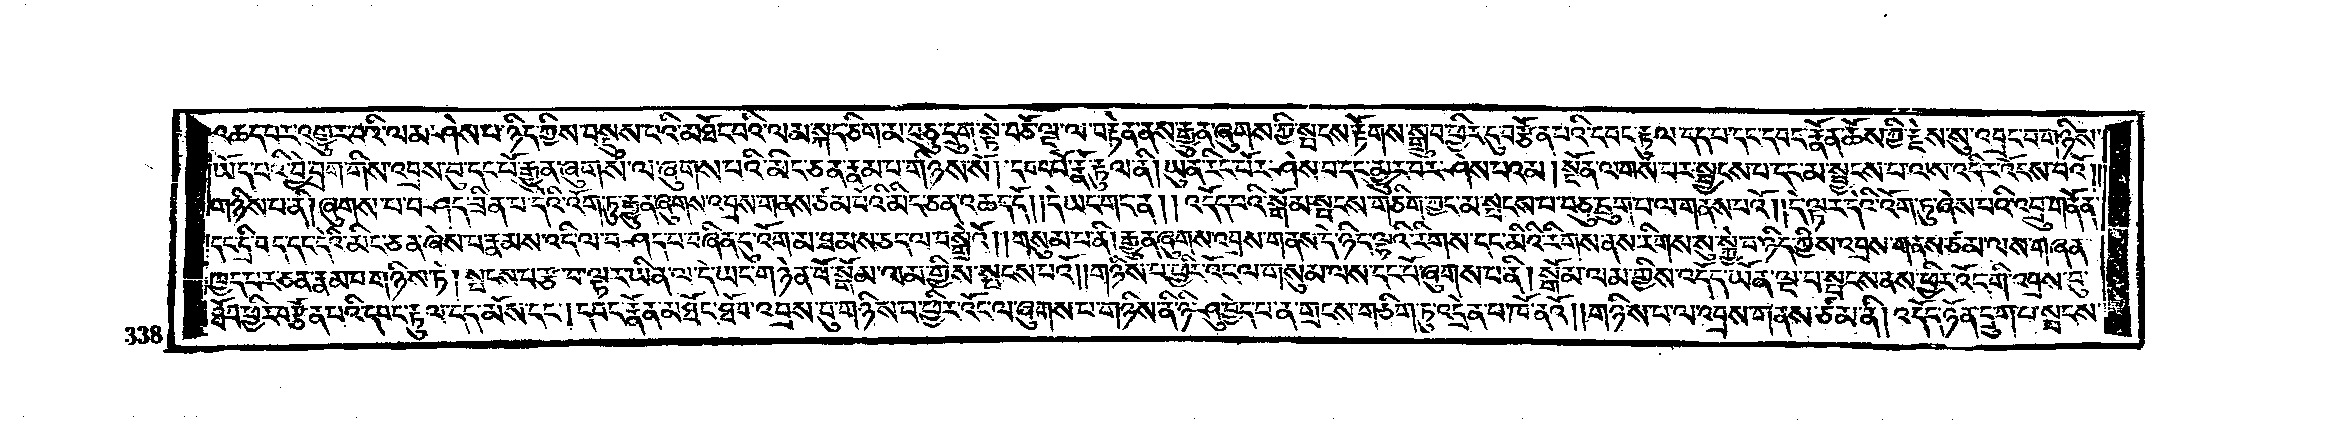འཆད་པར་འགྱུར་བའི་ལམ་ཤེས་པ་ཉིད་ཀྱིས་བསྡུས་པའི་མཐོང་བའི་ལམ་སྐད་ཅིག་མ་བཅུ་དྲུག་སྟེ་བཅོ་ལྔ་ལ་བརྟེན་ནས་རྒྱུན་ཞུགས་ཀྱི་སྤངས་རྟོགས་སྒྲུབ་ཕྱིར་དུ་བརྩོན་པའི་དབང་རྟུལ་དད་པ་དང་དབང་རྣོན་ཆོས་ཀྱི་རྗེས་སུ་འབྲང་བ་གཉིས་
ཡོད་པའི་བྱེ་བྲག་གིས་འབྲས་བུ་དང་པོ་རྒྱུན་ཞུགས་ལ་ཞུགས་པའི་མིང་ཅན་རྣམ་པ་གཉིས་སོ། །དབང་པོ་རྣོ་རྟུལ་ནི། ཡུན་རིང་པོར་ཤེས་པ་དང་མྱུར་བར་ཤེས་པའམ། སྔོན་ལེགས་པར་སྦྱངས་པ་དང་མ་སྦྱངས་པ་ལས་འདིར་འོངས་པའོ། །
གཉིས་པ་ནི། ཞུགས་པ་བཤད་ཟིན་པ་དེའི་འོག་ཏུ་རྒྱུན་ཞུགས་འབྲས་གནས་ཙམ་པོའི་མིང་ཅན་འཆད་དོ། །དེ་ཡང་གང་ན། འདོད་པའི་སྒོམ་སྤངས་གཅིག་ཀྱང་མ་སྤངས་པ་བཅུ་དྲུག་པ་ལ་གནས་པའོ། །དེ་ལྟར་དེའི་འོག་ཏུ་ཞེས་པའི་འབྲུ་གནོན་
དང་དྲི་ཟད་དང་དེའི་མིང་ཅན་ཞེས་པ་རྣམས་འདི་ལ་བཤད་པ་བཞིན་དུ་འོག་མ་ཐམས་ཅད་ལ་བསྒྲེའོ། །གསུམ་པ་ནི། རྒྱུན་ཞུགས་འབྲས་གནས་དེ་ཉིད་ལྷའི་རིགས་དང་མིའི་རིགས་ནས་རིགས་སུ་སྐྱེ་བ་ཉིད་ཀྱིས་འབྲས་གནས་ཙམ་ལས་གཞན་
ཁྱད་པར་ཅན་རྣམ་པ་གཉིས་ཏེ། སྤངས་པ་རྩ་བ་ལྟར་ཡིན་ལ་དེ་ཡང་གཉེན་པོ་སྒོམ་ལམ་གྱིས་སྤངས་པའོ། །གཉིས་པ་ཕྱིར་འོང་ལ་གསུམ་ལས་དང་པོ་ཞུགས་པ་ནི། སྒོམ་ལམ་གྱིས་འདོད་ཡོན་ལྔ་པ་སྤངས་ནས་ཕྱིར་འོང་གི་འབྲས་བུ་
ཐོབ་ཕྱིར་བརྩོན་པའི་དབང་རྟུལ་དད་མོས་དང་། དབང་རྣོན་མཐོང་ཐོབ་འབྲས་བུ་གཉིས་པ་ཕྱིར་འོང་ལ་ཞུགས་པ་གཉིས་ནི་ཉི་ཤུ་བྱེད་པ་ན་གྲངས་གཅིག་ཏུ་འདྲེན་པ་ཁོ་ནའོ། །གཉིས་པ་ལ་འབྲས་གནས་ཙམ་ནི། འདོད་ཉོན་དྲུག་པ་སྤངས་